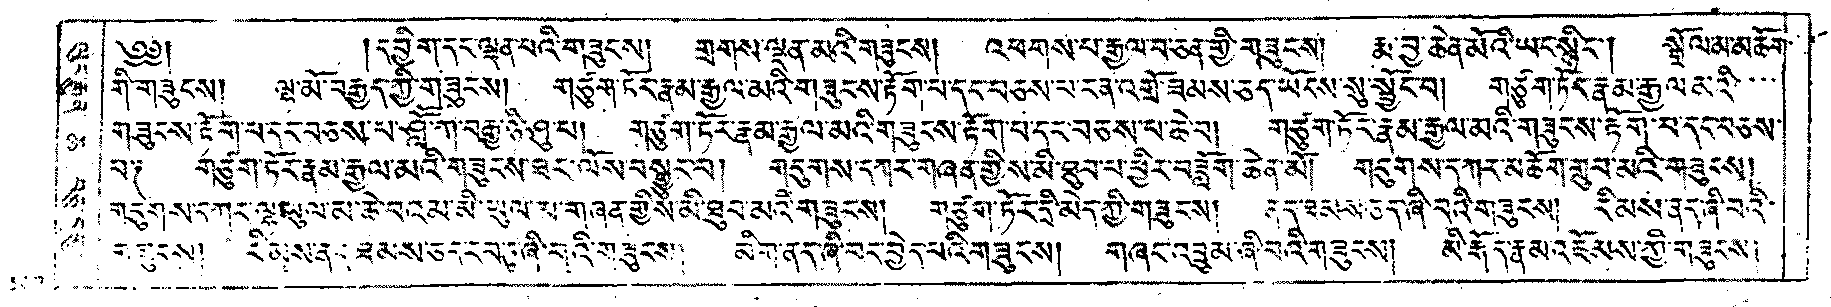༄༅། །དབྱིག་དང་ལྡན་པའི་གཟུངས། གྲགས་ལྡན་མའི་གཟུངས། འཕགས་པ་རྒྱལ་བ་ཅན་གྱི་གཟུངས། རྨ་བྱ་ཆེན་མོའི་ཡང་སྙིང་། སྒྲོལ་མ་མཆོག་
གི་གཟུངས། ལྷ་མོ་བརྒྱད་ཀྱི་གཟུངས། གཙུག་ཏོར་རྣམ་རྒྱལ་མའི་གཟུངས་རྟོག་པ་དང་བཅས་པ་ངན་འགྲོ་ཐམས་ཅད་ཡོངས་སུ་སྦྱོང་བ། གཙུག་ཏོར་རྣམ་རྒྱལ་མའི་
གཟུངས་རྟོག་པ་དང་བཅས་པ་ཤླཽ་ཀ་བརྒྱ་ཉི་ཤུ་པ། གཙུག་ཏོར་རྣམ་རྒྱལ་མའི་གཟུངས་རྟོག་པ་དང་བཅས་པ་ཆེ་བ། གཙུག་ཏོར་རྣམ་རྒྱལ་མའི་གཟུངས་རྟོག་པ་དང་བཅས་
པ། གཙུག་ཏོར་རྣམ་རྒྱལ་མའི་གཟུངས་ཐར་ལོས་བསྒྱུར་པ། གདུགས་དཀར་གཞན་གྱིས་མི་ཐུབ་པ་ཕྱིར་བཟློག་ཆེན་མོ། གདུགས་དཀར་མཆོག་གྲུབ་མའི་གཟུངས།
གདུགས་དཀར་ལྷ་ཡུལ་མ་ཆེ་བའམ་མི་ཡུལ་མ་གཞན་གྱིས་མི་ཐུབ་མའི་གཟུངས། གཙུག་ཏོར་དྲི་མེད་ཀྱི་གཟུངས། ནད་ཐམས་ཅད་ཞི་བའི་གཟུངས། རིམས་ནད་ཞི་བའི་
གཟུངས། རིམས་ནད་ཐམས་ཅད་རབ་ཏུ་ཞི་བའི་གཟུངས། མིག་ནད་ཞི་བར་བྱེད་པའི་གཟུངས། གཞང་འབྲུམ་ཞི་བའི་གཟུངས། མི་རྒོད་རྣམ་འཇོམས་ཀྱི་གཟུངས།